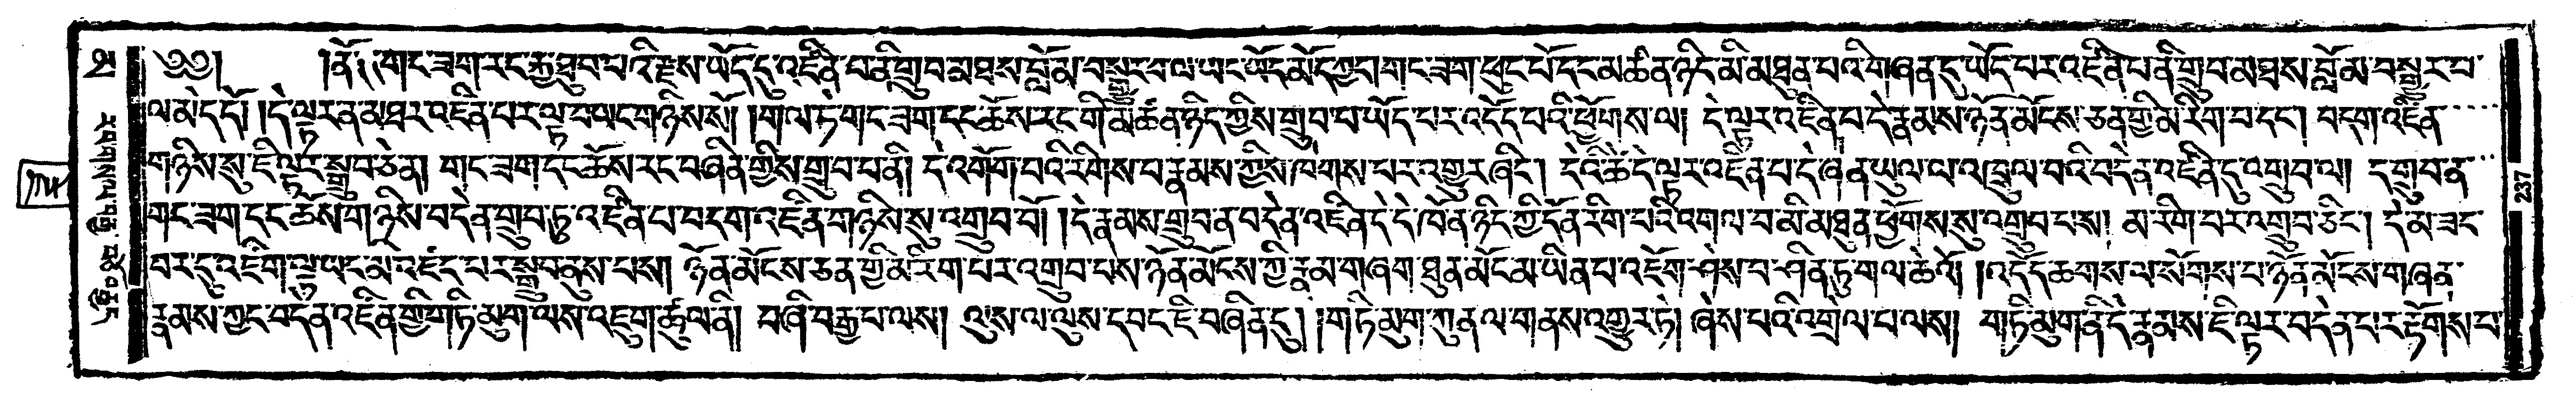༄༅། །ནོ༑ ༑གང་ཟག་རང་རྐྱ་ཐུབ་པའི་རྫས་ཡོད་དུ་འཛིན་པ་ནི་གྲུབ་མཐས་བློ་མ་བསྒྱུར་བ་ལ་ཡང་ཡོད་མོད་ཀྱང་། གང་ཟག་ཕུང་པོ་དང་མཚན་ཉིད་མི་མཐུན་པའི་གཞན་དུ་ཡོད་པར་འཛིན་པ་ནི་གྲུབ་མཐས་བློ་མ་བསྒྱུར་བ་
ལ་མེད་དོ། །དེ་ལྟར་ན་མཐར་འཛིན་པར་ལྟ་བ་ཡང་གཉིས་སོ། །གལ་ཏེ་གང་ཟག་དང་ཆོས་རང་གི་མཚན་ཉིད་ཀྱིས་གྲུབ་པ་ཡོད་པར་འདོད་པའི་ཕྱོགས་ལ། དེ་ལྟར་འཛིན་པ་དེ་རྣམས་ཉོན་མོངས་ཅན་གྱི་མ་རིག་པ་དང་། བདག་འཛིན་
གཉིས་སུ་ཇི་ལྟར་སྒྲུབ་ཅེ་ན། གང་ཟག་དང་ཆོས་རང་བཞིན་གྱིས་གྲུབ་པ་ནི། དེ་འགོག་པའི་རིགས་པ་རྣམས་ཀྱིས་ཁེགས་པར་འགྱུར་ཞིང་། དེའི་ཚེ་དེ་ལྟར་འཛིན་པ་དེ་ཞེན་ཡུལ་ལ་འཁྲུལ་པའི་བདེན་འཛིན་དུ་འགྲུབ་ལ། དེ་གྲུབ་ན་
གང་ཟག་དང་ཆོས་གཉིས་བདེན་གྲུབ་ཏུ་འཛིན་པ་བདག་འཛིན་གཉིས་སུ་འགྲུབ་བོ། །དེ་རྣམས་གྲུབ་ན་བདེན་འཛིན་དེ་དེ་ཁོ་ན་ཉིད་ཀྱི་དོན་རིག་པའི་འགལ་བ་མི་མཐུན་ཕྱོགས་སུ་འགྲུབ་པས། མ་རིག་པར་འགྲུབ་ཅིང་། དེ་མ་ཟད་
པར་དུ་འཇིག་ལྟ་ཡང་མི་འཛད་པར་སྒྲུབ་ནུས་པས། ཉོན་མོངས་ཅན་གྱི་མ་རིག་པར་འགྲུབ་པས་ཉོན་མོངས་ཀྱི་རྣམ་གཞག་ཐུན་མོང་མ་ཡིན་པ་འཇོག་ཤེས་པ་ཤིན་ཏུ་གལ་ཆེའོ། །འདོད་ཆགས་ལ་སོགས་པ་ཉོན་མོངས་གཞན་
རྣམས་ཀྱང་བདེན་འཛིན་གྱི་གཏི་མུག་ལས་འཇུག་ཚུལ་ནི། བཞི་བརྒྱ་པ་ལས། ལུས་ལ་ལུས་དབང་ཇི་བཞིན་དུ། །གཏི་མུག་ཀུན་ལ་གནས་འགྱུར་ཏེ། ཞེས་པའི་འགྲེལ་པ་ལས། གཏི་མུག་ནི་དེ་རྣམས་ཇི་ལྟར་བདེན་པར་རྟོགས་པ་